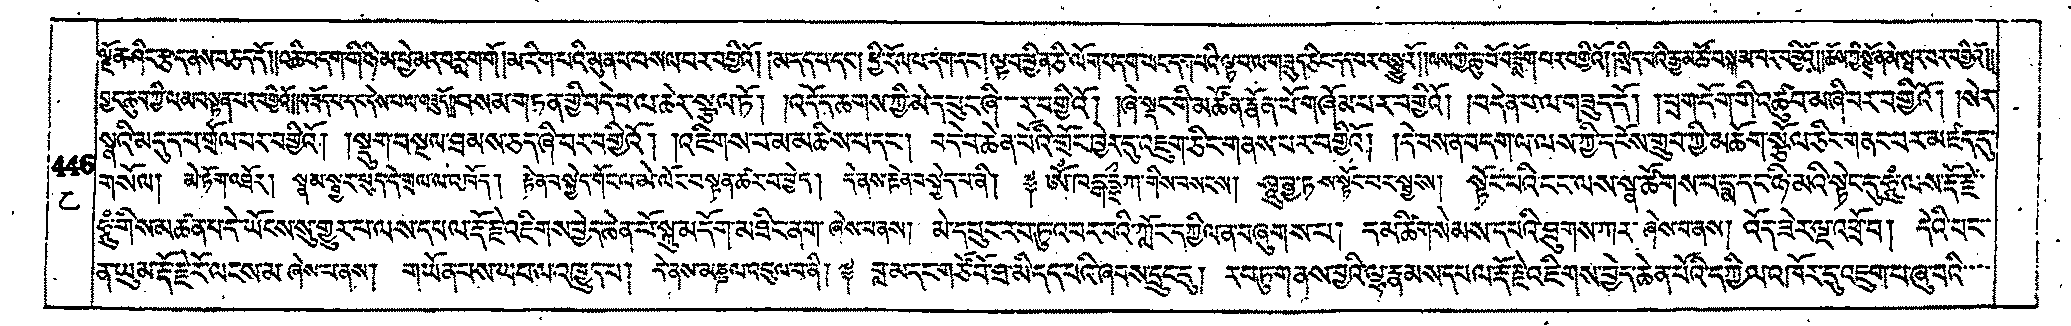ལྗོན་ཤིང་རྩད་ནས་བཅད་དོ། །འཆི་བདག་གི་ཉི་མ་ཕྱེ་མར་བརླག་གོ །མ་རིག་པའི་མུན་པ་བསལ་བར་བགྱིའོ། །མ་དད་པ་དང་། ཕྱི་རོལ་པ་དག་དང་། ལྟ་བ་ཕྱིན་ཅི་ལོག་པ་དག་ཡང་དག་པའི་ལྟ་བ་ལ་གཟུད་ཅིང་དད་པར་བསྒྱུ་རོ། །ལས་ཀྱི་ཆུ་བོ་བཟློག་པར་བགྱིའོ། །སྲིད་པའི་རྒྱ་མཚོ་བསྐམ་པར་བགྱིའོ། །ཆོས་ཀྱི་སྒྲོན་མེ་སྦར་བར་བགྱིའོ། །
བྱང་ཆུབ་ཀྱི་ལམ་བསྟན་པར་བགྱིའོ། །བཟོད་པ་དང་དེས་པ་ལ་བཟུ་དོ། །བསམ་གཏན་གྱི་བདེ་བ་ལ་ཆེར་སྩལ་ཏོ། །འདོད་ཆགས་ཀྱི་མེ་དཔུང་ཞི་པར་བགྱིའོ། །ཞེ་སྡང་གི་མཚོན་རྣོན་པོ་གཞོམ་པར་བགྱིའོ། །བདེན་པ་ལ་གཟུད་དོ། །ཕྲག་དོག་གི་འཚུབ་མ་ཞི་བར་བགྱིའོ། །སེར་
སྣའི་མདུད་པ་གྲོལ་བར་བགྱིའོ། །སྡུག་བསྔལ་ཐམས་ཅད་ཞི་བར་བགྱིའོ། །འཇིགས་པ་མ་མཆིས་པ་དང་། བདེ་བ་ཆེན་པོའི་གྲོང་ཁྱེར་དུ་འཇུག་ཅིང་གནས་པར་བགྱིའོ། །དེ་བས་ན་བདག་ལ་ལས་ཀྱི་དངོས་གྲུབ་ཀྱི་མཆོག་སྩོལ་ཅིང་གནང་བར་མཛད་དུ་
གསོལ། མེ་ཏོག་འཐོར། སྣམ་སྦྱར་ཕུད་དེ་གྲལ་ལ་འཁོད། རྟེན་བསྐྱེད་གོང་ལ་མེ་ལོང་བསྟན་ཚར་བ་བྱེད། དེ་ནས་རྟེན་བསྐྱེད་པ་ནི།  འ་ཨོཾ་ཁངྒ་དྷྲྀ་ཀ་གིས་བསངས། ཤཱུ་ཎྱ་ཏས་སྟོང་པར་སྦྱངས།  སྟོང་པའི་ངང་ལས་སྣ་ཚོགས་པདམ་དང་ཉི་མའི་སྟེང་དུ་ཧཱུཾ་ལས་རྡོ་རྗེ་
ཧཱུཾ་གིས་མཚན་པ་དེ་ཡོངས་སུ་གྱུར་པ་ལས་དཔལ་རྡོ་རྗེ་འཇིགས་བྱེད་ཆེན་པོ་སྐུ་མདོག་མཐིང་ནག་ཞེས་པ་ནས།  མེ་དཔུང་རབ་ཏུ་འབར་བའི་ཀློང་དཀྱིལ་ན་བཞུགས་པ། དམ་ཚིག་སེམས་དཔའི་ཐུགས་ཀར་ཞེས་པ་ནས།  འོད་ཟེར་ལྔ་འཕྲོ་བ། དེའི་པང་
ན་ཡུམ་རྡོ་རྗེ་རོ་ལངས་མ་ཞེས་པ་ནས།  གཡོན་པས་ཡབ་ལ་འཁྱུད་པ། དེ་ནས་མཎྜལ་འབུལ་བ་ནི།  འ་བླ་མ་དང་གཙོ་བོ་ཐ་མི་དད་པའི་ཞབས་དྲུང་དུ། རབ་ཏུ་གནས་བྱའི་ལྷ་རྣམས་དཔལ་རྡོ་རྗེ་འཇིགས་བྱེད་ཆེན་པོའི་དཀྱིལ་འཁོར་དུ་འཇུག་པ་ཞུ་བའི་